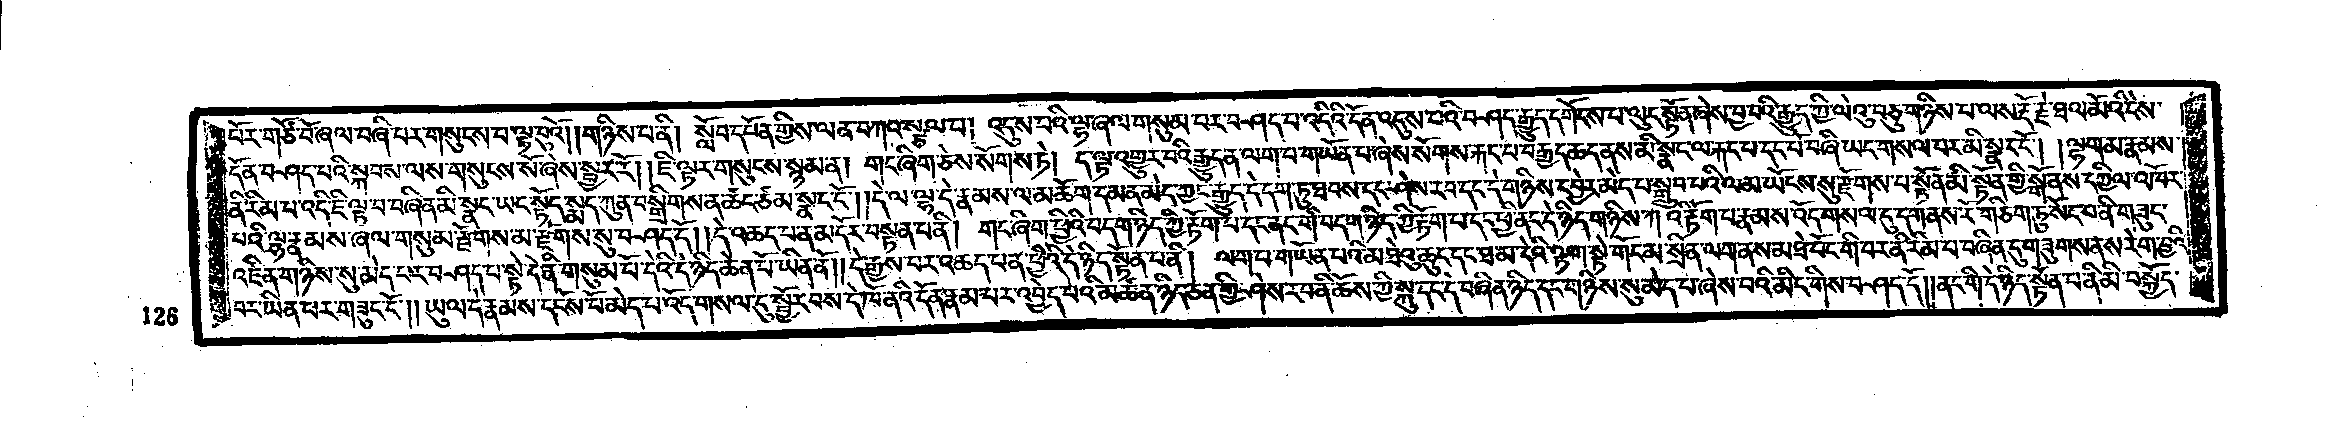པོར་གཙོ་བོ་ཞལ་བཞི་པར་གསུངས་པ་ལྟ་བུའོ། །གཉིས་པ་ནི། སློབ་དཔོན་གྱིས་ལན་བཀའ་སྩལ་པ། འདུས་པའི་ལྷ་ཞལ་གསུམ་པར་བཤད་པ་འདིའི་དོན་འདུས་པའི་བཤད་རྒྱུད་དགོངས་པ་ལུང་སྟོན་ཞེས་བྱ་བའི་རྒྱུད་ཀྱི་ལེའུ་བཅུ་གཉིས་པ་ལས་རྡོ་རྗེ་ཐལ་མོའི་ངེས་
དོན་བཤད་པའི་སྐབས་ལས་གསུངས་སོ་ཞེས་སྦྱར་རོ། །ཇི་ལྟར་གསུངས་སྙམ་ན། གང་ཞིག་ཅེས་སོགས་ཏེ། ད་ལྟ་འགྱུར་བའི་རྒྱུད་ན་ལག་པ་གཡོན་པ་ཞེས་སོགས་རྐང་པ་བརྒྱད་ཆད་ནས་མི་སྣང་ལ་རྐང་པ་དང་པོ་བཞི་ཡང་གསལ་བར་མི་སྣང་ངོ། །ལྷག་མ་རྣམས་
ནི་རིམ་པ་འདི་ཇི་ལྟ་བ་བཞིན་མི་སྣང་ཡང་སྟོད་སྨད་ཀུན་བསྒྲིགས་ན་ཚང་ཙམ་སྣང་ངོ། །དེ་ལ་ལྷ་དེ་རྣམས་ལ་མཆོག་དམན་མེད་ཀྱང་རྒྱུད་དེ་དག་ཏུ་ཐབས་དང་ཤེས་རབ་དང་དེ་གཉིས་དབྱེར་མེད་པ་སྒྲུབ་པའི་ལམ་ཡོངས་སུ་རྫོགས་པ་སྟོན་མི་སྟོན་གྱི་སྒོ་ནས་དཀྱིལ་འཁོར་
པའི་ལྷ་རྣམས་ཞལ་གསུམ་རྫོགས་མ་རྫོགས་སུ་བཤད་དོ། །དེ་འཆད་པ་ན་མདོར་བསྟན་པ་ནི། གང་ཞིག་ཕྱིའི་བདག་ཉིད་ཀྱི་རྟོག་པ་དང་ནང་གི་བདག་ཉིད་ཀྱི་རྟོག་པ་དང་ཕྱི་ནང་དེ་ཉིད་གཉིས་ཀའི་རྟོག་པ་རྣམས་འོད་གསལ་དུ་དག་ནས་རོ་གཅིག་ཏུ་སོང་བ་ནི་གཟུང་
འཛིན་གཉིས་སུ་མེད་པར་བཤད་པ་སྟེ་དེ་ནི་གསུམ་པོ་དེའི་དེ་ཉིད་ཆེན་པོ་ཡིན་ནོ། །དེ་རྒྱས་པར་འཆད་པ་ན་ཕྱིའི་དེ་ཉིད་སྟོན་པ་ནི། ལག་པ་གཡོན་པའི་མཐེའུ་ཆུང་དང་ཐ་མ་དེའི་ལྟག་སྟེ་གོང་མ་སྲིན་ལག་ནས་མཐེ་བོང་གི་བར་ནི་རིམ་པ་བཞིན་དུ་གཟུགས་ནས་རེག་བྱའི་
བར་ཡིན་པར་གཟུང་ངོ། །ཡུལ་དེ་རྣམས་དངོས་པོ་མེད་པ་འོད་གསལ་དུ་སྦྱོར་བས་དེ་ཁོ་ནའི་དོན་རྣམ་པར་འབྱེད་པའི་མཚན་ཉིད་ཅན་གྱི་ཤེས་རབ་ནི་ཆོས་ཀྱི་སྐུ་དང་དེ་བཞིན་ཉིད་དང་གཉིས་སུ་མེད་པ་ཞེས་པའི་མིང་གིས་བཤད་དོ། །ནང་གི་དེ་ཉིད་སྟོན་པ་ནི་མི་བསྐྱོད་